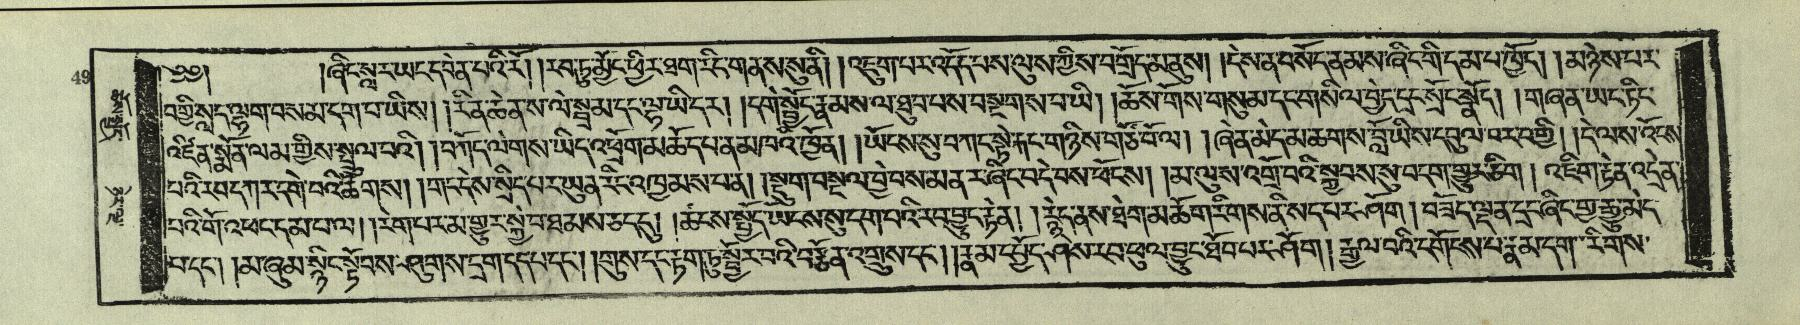༄༅། །ཞིང་སླར་ཡང་དབེན་པའི་རོ། །རབ་ཏུ་མྱོང་ཕྱིར་ཐག་རིང་གནས་སུ་ནི། །འཇུག་པར་འདོད་པས་ལུས་ཀྱིས་བགྲོད་མ་ནུས། །དེས་ན་བསོད་ནམས་ཞིང་གི་དམ་པ་ཁྱོད། །མཉེས་པར་
བགྱི་སླད་ལྷག་བསམ་དག་པ་ཡིས། །རིན་ཆེན་ས་ལེ་སྦྲམ་དང་ལྷ་ཡི་དར། །དགེ་སྦྱོང་རྣམས་ལ་ཐུབ་པས་བསྔགས་པ་ཡི། །ཆོས་གོས་གསུམ་དང་གསིལ་བྱེད་དྲང་སྲོང་སྣོད། །གཞན་ཡང་ཏིང་
འཛིན་སྨོན་ལམ་གྱིས་སྤྲུལ་པའི། །བཀོད་ལེགས་ཡིད་འཕྲོག་མཆོད་པ་ནམ་མཁའི་ཁྱོན། །ཡོངས་སུ་བཀང་སྟེ་རྐང་གཉིས་གཙོ་བོ་ལ། །ཞེན་མེད་མ་ཆགས་བློ་ཡིས་དབུལ་བར་བགྱི། །དེ་ལས་འོངས་
པའི་རབ་དཀར་དགེ་བའི་ཚོགས། །གང་དེས་སྲིད་པར་ཡུན་རིང་འཁྱམས་པ་ན། །སྡུག་བསྔལ་བྱེ་བས་མནར་ཞིང་བདེ་བས་ཕོངས། །མ་ལུས་འགྲོ་བའི་སྐྱབས་སུ་བདག་གྱུར་ཅིག །འཇིག་རྟེན་འདྲེན་
པའི་གོ་འཕང་དམ་པ་ལ། །རེག་པར་མ་གྱུར་སྐྱེ་བ་ཐམས་ཅད་དུ། །ཚངས་སྤྱོད་ཡོངས་སུ་དག་པའི་རབ་བྱུང་རྟེན། །རྙེད་ནས་ཐེག་མཆོག་རིགས་ནི་སད་པར་ཤོག །བཟོད་ལྡན་དྲང་ཞིང་གྱ་རྒྱུ་མེད་
པ་དང་། །མ་ཞུམ་སྙིང་སྟོབས་ཤུགས་དྲག་དད་པ་དང་། །གུས་དང་རྟག་ཏུ་སྦྱོར་བའི་བརྩོན་འགྲུས་དང་། །རྣམ་སྤྱོད་ཤེས་རབ་ཕུལ་བྱུང་ཐོབ་པར་ཤོག །རྒྱལ་བའི་དགོངས་པ་རྣམ་དག་རིགས་